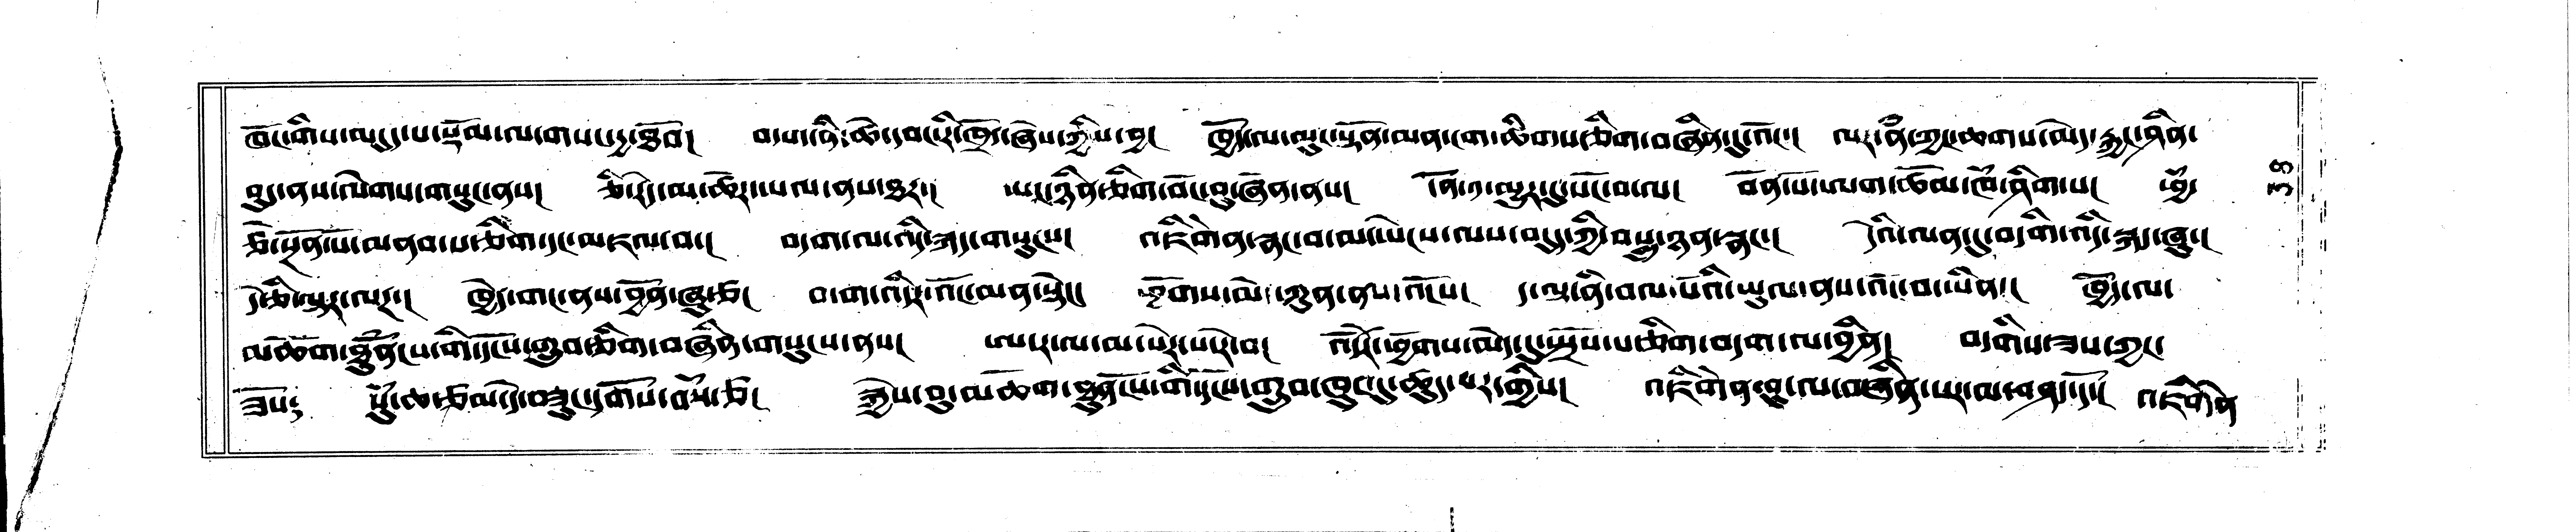ཁོང་གིས་མདུད་པ་སྡོམ་ལ་གསང་རྒྱ་ཐོབ། བདག་ནི་ཚེ་དབང་རི་ཁྲོད་ཞེས་ཀྱིས་བྱ། ཁྱོད་ལ་ལུང་སྟོན་མན་ངག་ཚིག་ཅིག་བཞིན་དུ་འོང་། ལར་ནམ་ཀྱང་ཆགས་མེད་རྐྱང་ཤིན་
བུད་ནས་ལེགས་གསུང་ནས། ཅི་རེད་མ་ཚོར་ཡལ་ནས་ཐལ། ཡང་ཉིན་ཅིག་བོང་བུ་ཞོན་ནས། དོན་གཅིག་མྱུར་དུ་སོང་བ་ལ། བོན་པོ་ཨག་ཚོམ་ཁམ་ཤིག་པ། ཕྱམ་
ཙེ་སྔོན་པོ་མནབ་པ་ཅིག་དང་མཇལ་བ། བདག་ལ་འདི་སྐད་གསུང་། འཇིག་རྟེན་སྣང་བ་མ་ཡེངས་ལས་བདུད་ཀྱི་བསླུ་ཉེན་སྣང་། དེའི་ལན་དུ་བདག་གིས་འདི་སྐད་ཞུས།
དེ་ཅི་ལྟར་ལགས། ཁྱེད་གང་ནས་བྱོན་ཞུ་ཙ། བདག་འདིར་འོང་མན་སྟེ། ཕྱོགས་མེད་ཀུན་ནས་འོངས། ད་ལྟ་ནི་བལ་པོའི་ཡུལ་ནས་འོང་བ་ཡིན། ཁྱོད་ལ་
མཆོག་ཐུན་མོང་གི་དངོས་གྲུབ་ཅིག་བཞིན་གསུངས་ནས། ཨ་ར་ལ་མ་སེར་པ་རེ་བ། འོད་ཟེར་ཕྱོགས་མེད་དུ་སྤྲོས་པ་ཅིག་བདག་ལ་བྱིན། བདག་གིས་ཟས་ཀྱང་
ཟོས། སུམ་ཆ་ཙམ་དེ་བཟུང་དགོས་བསམ་ཙ། སྐྱེས་བུ་མཆོག་ཐུན་མོང་གི་དངོས་གྲུབ་ཁུང་དུ་ཚུད་པར་གྱིས། འཇིག་རྟེན་བུ་ལ་བཞིན་པར་མ་བཤད་དོ། །འཇིག་རྟེན་